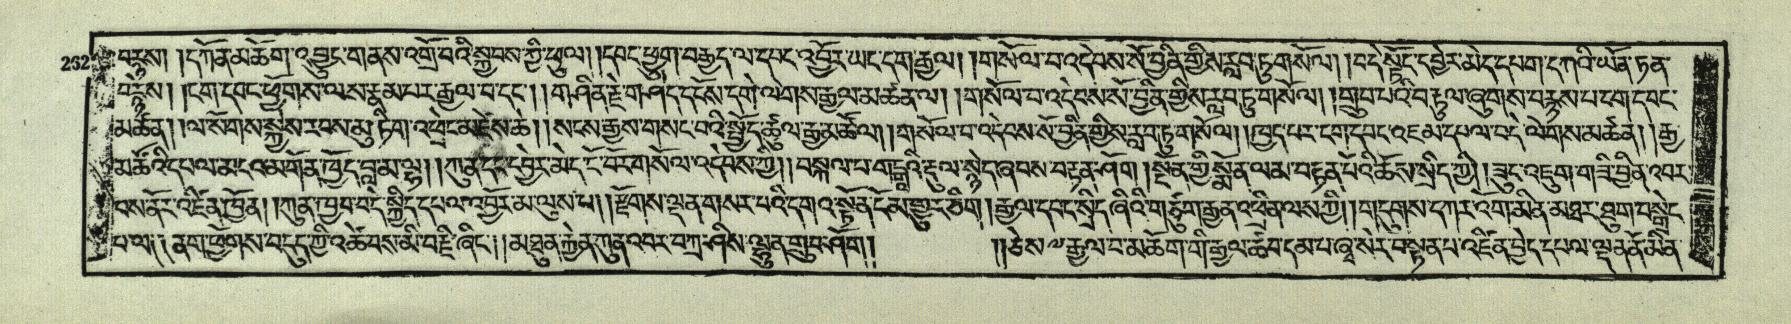བརྙས། །དཀོན་མཆོག་འབྱུང་གནས་འགྲོ་བའི་སྐྱབས་ཀྱི་ཕུལ། །དབང་ཕྱུག་བརྒྱད་ལ་དབང་འབྱོར་ཡང་དག་རྒྱལ། །གསོལ་བ་འདེབས་སོ་བྱིན་གྱིས་རླབ་ཏུ་གསོལ། །བདེ་སྟོང་དབྱེར་མེད་དཔག་དཀའི་ཡོན་ཏན་
བརྙེས། །ངག་དབང་ཕྱོགས་ལས་རྣམ་པར་རྒྱལ་བ་དང་། །གཤིན་རྗེ་གཤེད་དངོས་དགེ་ལེགས་རྒྱལ་མཚན་ལ། །གསོལ་བ་འདེབས་སོ་བྱིན་གྱིས་རླབ་ཏུ་གསོལ། །གྲུབ་པའི་བརྟུལ་ཞུགས་བརྙས་པ་ངག་དབང་
མཚན། །ལ་སོགས་སྐྱེས་རབས་མུ་ཏིག་འཕྲེང་མཛེས་ཆེ། །སངས་རྒྱས་གསང་བའི་སྤྱོད་ཚུལ་རྒྱ་མཚོ་ལ། །གསོལ་བ་འདེབས་སོ་བྱིན་གྱིས་རླབ་ཏུ་གསོལ། །ཁྱད་པར་ངག་དབང་འཇམ་དཔལ་བདེ་ལེགས་མཚན། །རྒྱ་
མཚོའི་དཔལ་མངའ་མགོན་ཁྱོད་བླ་མ་ལྷ། །ཀུན་དང་དབྱེར་མེད་ངོ་བོར་གསོལ་འདེབས་ཀྱི། །བསྐལ་པ་གངྒཱའི?་རྡུལ་སྙེད་ཞབས་བརྟན་ཤོག །སྔོན་གྱི་སྨོན་ལམ་བརྟན་པོའི་ཆོས་སྲིད་ཀྱི། །ཟུང་འཇུག་གཟི་བྱིན་འབར་
བས་ནོར་འཛིན་ཁྱོན། །ཀུན་ཁྱབ་བདེ་སྐྱིད་དཔལ་འབྱོར་མ་ལུས་པ། །རྫོགས་ལྡན་གསར་པའི་དགའ་སྟོན་ངོམ་གྱུར་ཅིག །རྒྱལ་དབང་སྲིད་ཞིའི་གཙུག་རྒྱན་འཕྲིན་ལས་ཀྱི། །གདུགས་དཀར་འོག་མིན་མཐར་ཐུག་བསྒྲེང་
པ་ལ༑ ༑ནག་ཕྱོགས་བདུད་ཀྱི་འཚེ་བས་མི་བརྗི་ཞིང་། །མཐུན་རྐྱེན་ཀུན་འབར་བཀྲ་ཤིས་ལྷུན་གྲུབ་ཤོག། །།ཅེས ༧རྒྱལ་བ་མཆོག་གི་རྒྱལ་ཚབ་དམ་པ་ཞྭ་སེར་བསྟན་པ་འཛིན་བྱེད་དཔལ་ལྡན་ནོ་མིན་